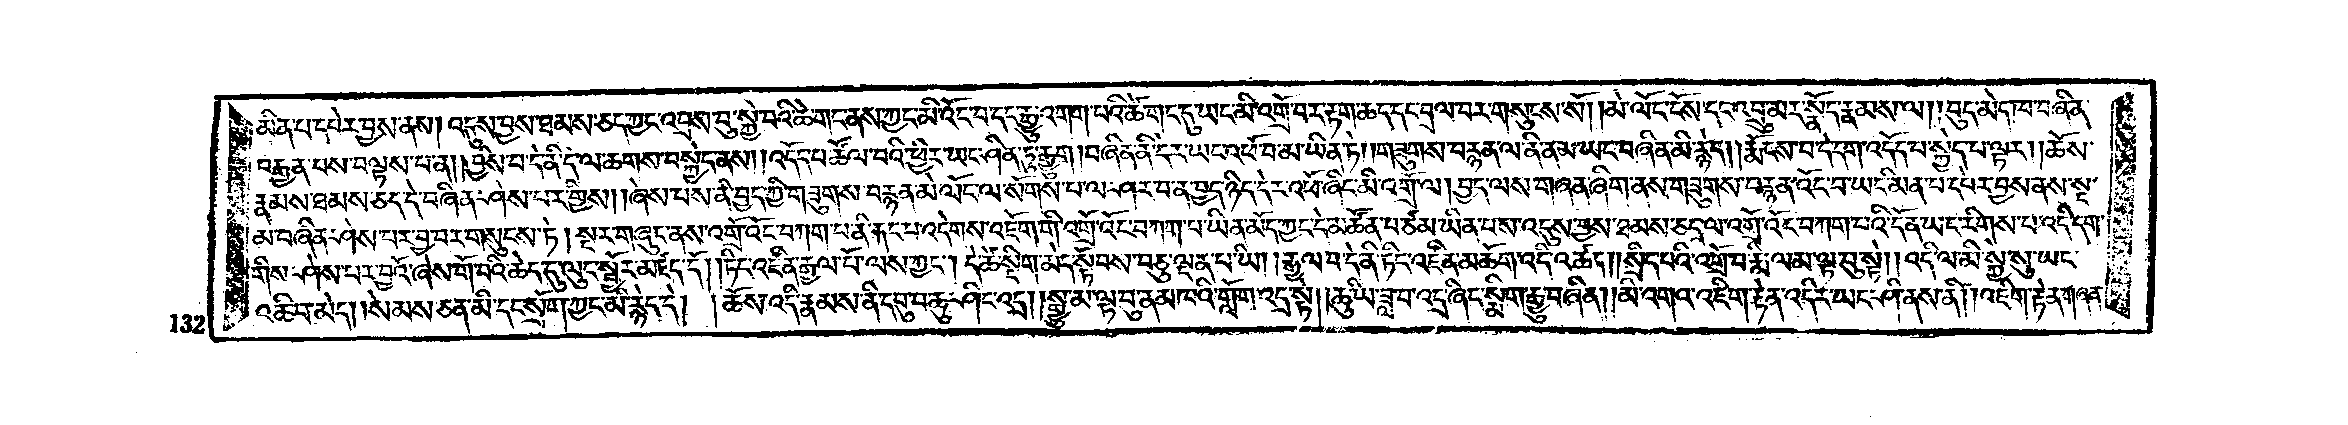མིན་པ་དཔེར་བྱས་ནས། འདུས་བྱས་ཐམས་ཅད་ཀྱང་འབྲས་བུ་སྐྱེ་བའི་ཆེ་གང་ནས་ཀྱང་མི་འོང་བ་དང་རྒྱུ་འགག་པའི་ཚེ་གང་དུ་ཡང་མི་འགྲོ་བར་རྟག་ཆད་དང་བྲལ་བར་གསུངས་སོ། །མེ་ལོང་ངོས་དང་འབྲུ་མར་སྣོད་རྣམས་ལ། །བུད་མེད་ཁ་བཞིན་
བརྙན་པས་བལྟས་པ་ན། །བྱིས་པ་དེ་ནི་དེ་ལ་ཆགས་བསྐྱེད་ནས། །འདོད་པ་ཚོལ་བའི་ཕྱིར་ཡང་ཤིན་ཏུ་རྒྱུག། བཞིན་ནི་དེར་ཡང་འཕོ་བ་མ་ཡིན་ཏེ། །གཟུགས་བརྙན་ལ་ནི་ནམ་ཡང་བཞིན་མི་རྙེད། །རྨོངས་པ་དེ་དག་འདོད་པ་སྐྱེད་པ་ལྟར། །ཆོས་
རྣམས་ཐམས་ཅད་དེ་བཞིན་ཤེས་པར་གྱིས། །ཞེས་པས་ནི་བྱེད་ཀྱི་གཟུགས་བརྙན་མེ་ལོང་ལ་སོགས་པ་ལ་ཤར་བ་ན་བྱེད་ཉིད་དེར་འཕོ་ཞིང་མི་འགྲོ་ལ། བྱད་ལས་གཞན་ཞིག་ནས་གཟུགས་བརྙན་འོང་བ་ཡང་མིན་པ་དཔེར་བྱས་ནས་སྔ་
མ་བཞིན་ཤེས་པར་བྱ་བར་གསུངས་ཏེ། སྔར་གཞུན་ནས་འགྲོ་འོང་བཀག་པ་ནི་རྐང་པ་འདེབས་འཇོག་གི་འགྲོ་འོང་བཀག་པ་ཡིན་མོད་ཀྱང་དེ་མཚོན་པ་ཙམ་ཡིན་པས་འདུས་བྱས་ཐམས་ཅད་ལ་འགྲོ་འོང་བཀག་པའི་དོན་ཡང་རིགས་པ་འདི་དག་
གིས་ཤེས་པར་བྱའོ་ཞེས་གོ་བའི་ཆེད་དུ་ལུང་སྦྱོར་མཛད་དོ། །ཏིང་ངེ་འཛིན་རྒྱལ་པོ་ལས་ཀྱང་། དེ་ཚེ་སྡིག་མེད་སྟོབས་བཅུ་ལྡན་པ་ཡི། །རྒྱལ་བ་དེ་ནི་ཏིང་འཛིན་མཆོག་འདི་འཆད། །སྲིད་པའི་འགྲོ་བ་རྨི་ལམ་ལྟ་བུ་སྟེ། །འདི་ལ་མི་སྐྱེ་སུ་ཡང་
འཆིང་མེད། །སེམས་ཅན་མི་དང་སྲོག་ཀྱང་མི་རྙེད་དེ། ཆོས་འདི་རྣམས་ནི་དབུ་བ་ཆུ་ཞིང་འདྲ། །སྒྱུ་མ་ལྟ་བུ་ནམཁའི་གློག་འདྲ་སྟེ། །ཆུ་ཡི་ཟླ་བ་འདྲ་ཞིང་སྨིག་རྒྱུ་བཞིན། །མི་འགའ་འཇིག་རྟེན་འདིར་ཡང་ཤི་ནས་ནི། །འཇིག་རྟེན་གཞན་